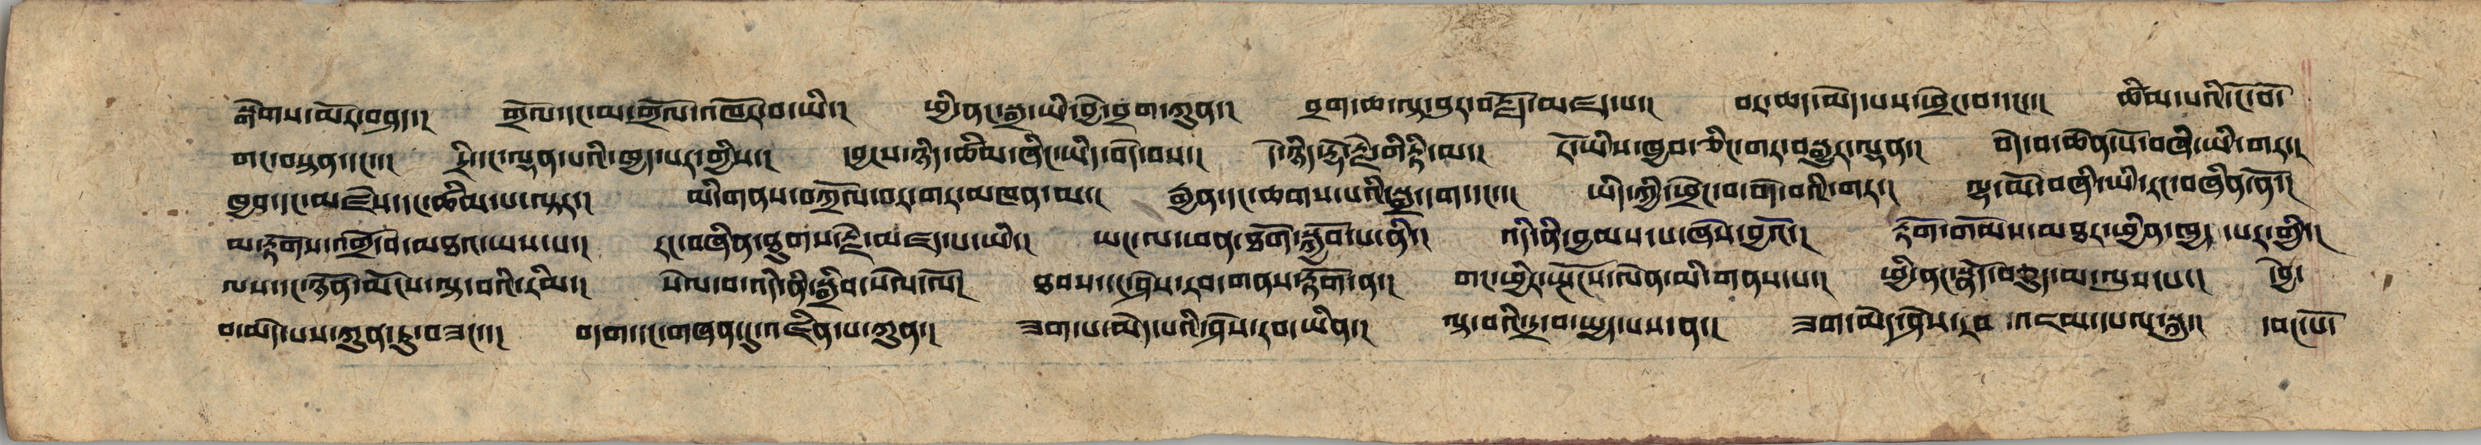སྒེགས་མོར་བཤད་། གྲོལ་དང་མ་གྲོལ་འཁོར་བ་ཡི་། ཕྱི་ནང་སྒྲ་ཡི་བྱེ་བྲག་ཀུན་། བྲག་ཆ་ལྟ་བུར་བརྗོད་མཛད་པ་། བར་ཆད་མེད་པས་ཕྲེང་བ་དང་་། ཚིམ་པའི་ངོ་བོ་
གང་བསྟན་དང་་། དྲི་དང་ལྡན་པའི་ཁྱད་པར་གྱིས་། དབྱངས་ཉིད་ཚིམ་ཞིང་ཡིད་བདེ་བས་། དེ་ཉིད་རྡོ་རྗེ་གིརྟི་མ་། རོ་ཡིས་ཁྱབ་ཅིང་གར་བསྒྱུར་ལྡན་། བདེ་བ་ཆེན་པོ་བཞི་ཡི་གར་།
ཁྱབ་དང་མཛེས་དང་ཚིམ་པ་ལྟར་། མི་གནས་བཀྲོལ་བར་གར་མཁན་མ་། རྒྱན་དང་ཆགས་པའི་སྒྲ་དག་དང་་། ཡིད་ཀྱི་ཕྲེང་བ་བདེ་བའི་གར་། ལྷ་མོ་བཞི་ཡི་རང་བཞིན་ནོ་།
མ་རྟོགས་འགྲོ་བ་མཐའ་ཡས་པ་། རང་བཞིན་ཐུགས་རྗེ་མཛད་པ་ཡི་། ཡང་ལ་ཕན་ཐོག་སྐྱོབ་པ་ནི་། འདི་ནི་བྱམས་པ་ཞེས་བྱའོ་། རྟོག་གོམས་མཐར་ཕྱིན་ཁྱད ་པར་གྱི་།
ལས་དང་ཉོན་མོངས་ལྟ་བའི་རིམ་། སེལ་བ་འདི་ནི་སྒྲིབ་སེལ་ལོ་། ཐབས་དང་ཤེས་རབ་གནས་རྟོག་ན་། གང་ཕྱིར་སྤོངས་ལེན་མི་གནས་པ་། ཕྱི་ནང་སྣོད་བཅུད་མ་ལུས་པ་། དབྱེ་
བ་མེད་པས་ཀུན་ཏུ་བཟང་་། བདག་དང་གཞན་དུ་འཛིན་པ་ཀུན་། ཟག་པ་མེད་པའི་ཤེས་རབ་ཡིན་། ལྟ་བའི་དྲ་བ་སྤྱད་པས་ན་། ཟག་མེད་ཤེས་རབ་འཇམ་དཔལ་སྐུ་། དབང་